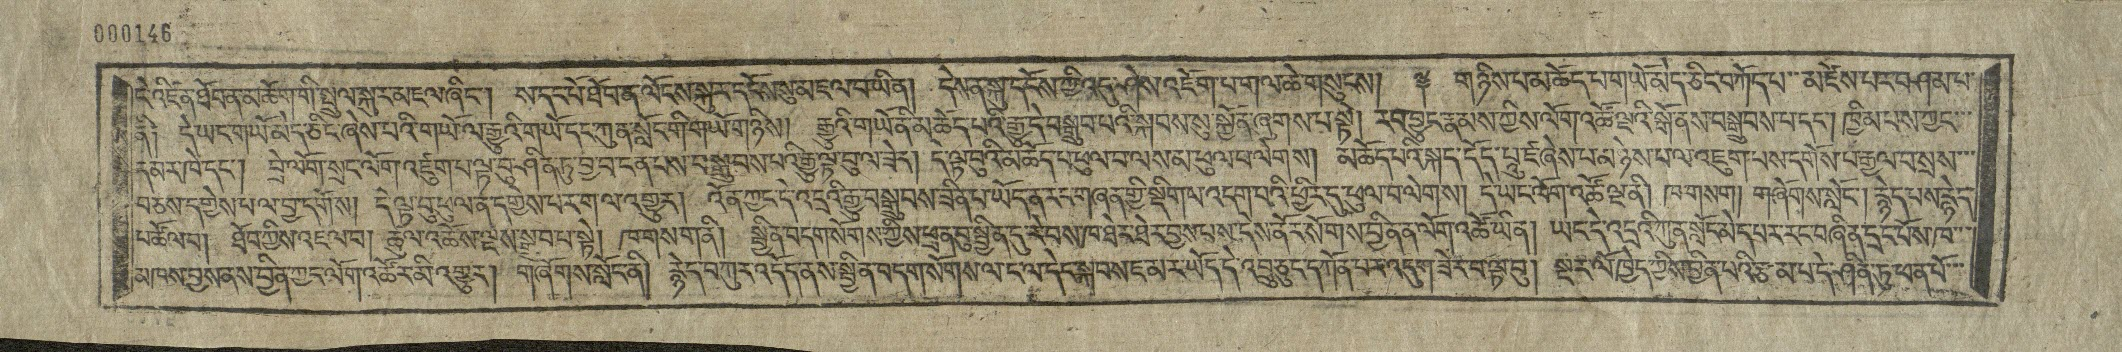ངེ་འཛིན་ཐོབ་ན་མཆོག་གི་སྤྲུལ་སྐུར་མཇལ་ཞིང་། ས་དང་པོ་ཐོབ་ན་ལོངས་སྐུར་དངོས་སུ་མཇལ་བ་ཡིན། དེས་ན་སྐུ་དངོས་ཀྱི་འདུ་ཤེས་འཇོག་པ་གལ་ཆེ་གསུངས། ༈ གཉིས་པ་མཆོད་པ་གྱོ་མེད་ཅིང་བཀོད་པ་མཛེས་པར་བཤམ་པ་
ནི༑ དེ་ཡང་གཡོ་མེད་ཅིང་ཞེས་པའི་གཡོ་ལ་རྒྱུའི་གཡོ་དང་ཀུན་སློང་གི་གཡོ་གཉིས། རྒྱུའི་གཡོ་ནི་མཆོད་པའི་རྒྱུ་དེ་བསྒྲུབ་པའི་སྐབས་སུ་སྐྱོན་ཞུགས་པ་སྟེ། རབ་བྱུང་རྣམས་ཀྱིས་ལོག་འཚོ་ལྔའི་སྒོ་ནས་བསྒྲུབས་པ་དང་། ཁྱིམ་པས་ཀྱང་
དམར་ཁེ་དང་། བྲེ་ལོག་སྲང་ལོག་འཛུག་པ་ལྟ་བུ་ཤིན་ཏུ་བྱ་བ་ངན་པས་བསྒྲུབས་པའི་རྒྱུ་ལྟ་བུ་ལ་ཟེར། དེ་ལྟ་བུའི་མཆོད་པ་ཕུལ་བ་ལས་མ་ཕུལ་བ་ལེགས། མཆོད་པའི་སྐད་དོད་པཱུ་ཛ་ཞེས་པ་མཉེས་པ་ལ་འཇུག་པས་དགོས་པ་རྒྱལ་བ་སྲས་
བཅས་དགྱེས་པ་ལ་བྱ་དགོས། དེ་ལྟ་བུ་ཕུལ་ན་དགྱེས་པར་ག་ལ་འགྱུར། འོན་ཀྱང་དེ་འདྲའི་རྒྱུ་བསྒྲུབས་ཟིན་པ་ཡོད་ན་རང་གཞན་གྱི་སྡིག་པ་འདག་པའི་ཕྱིར་དུ་ཕུལ་བ་ལེགས། དེ་ཡང་ལོག་འཚོ་ལྔ་ནི། ཁ་གསག། གཞོགས་སློང་། རྙེད་པས་རྙེད་
པ་ཚོལ་བ། ཐོབ་ཀྱིས་འཇལ་བ། ཚུལ་འཆོས་ལྔས་སྒྲུབ་པ་སྟེ། ཁ་གསག་ནི། སྦྱིན་བདག་སོགས་ཀྱིས་ཕྲན་བུ་སྦྱིན་དུ་རེ་བས་ཁ་ཐེར་ཐེར་བྱས་པས་དེས་ནོར་སོགས་བྱིན་ན་ལོག་འཚོ་ཡིན། ཡང་དེ་འདྲའི་ཀུན་སློང་མེད་པར་རང་བཞིན་དྲང་པོས་ཁ་
མཁས་བྱས་ནས་བྱིན་ཀྱང་ལོག་འཚོར་མི་འགྱུར། གཞོགས་སློང་ནི། རྙེད་བཀུར་འདོད་ནས་སྦྱིན་བདག་སོགས་ལ་ང་ལ་དེང་སྐབས་ཇ་མར་ཡོད་དེ་འབྲུ་ཅུང་དཀོན་པར་འདུག་ཟེར་བ་ལྟ་བུ། སྔར་ལོ་ཁྱེད་ཀྱིས་བྱིན་པའི་རྩམ་པ་དེ་ཤིན་ཏུ་ཕན་པོ་